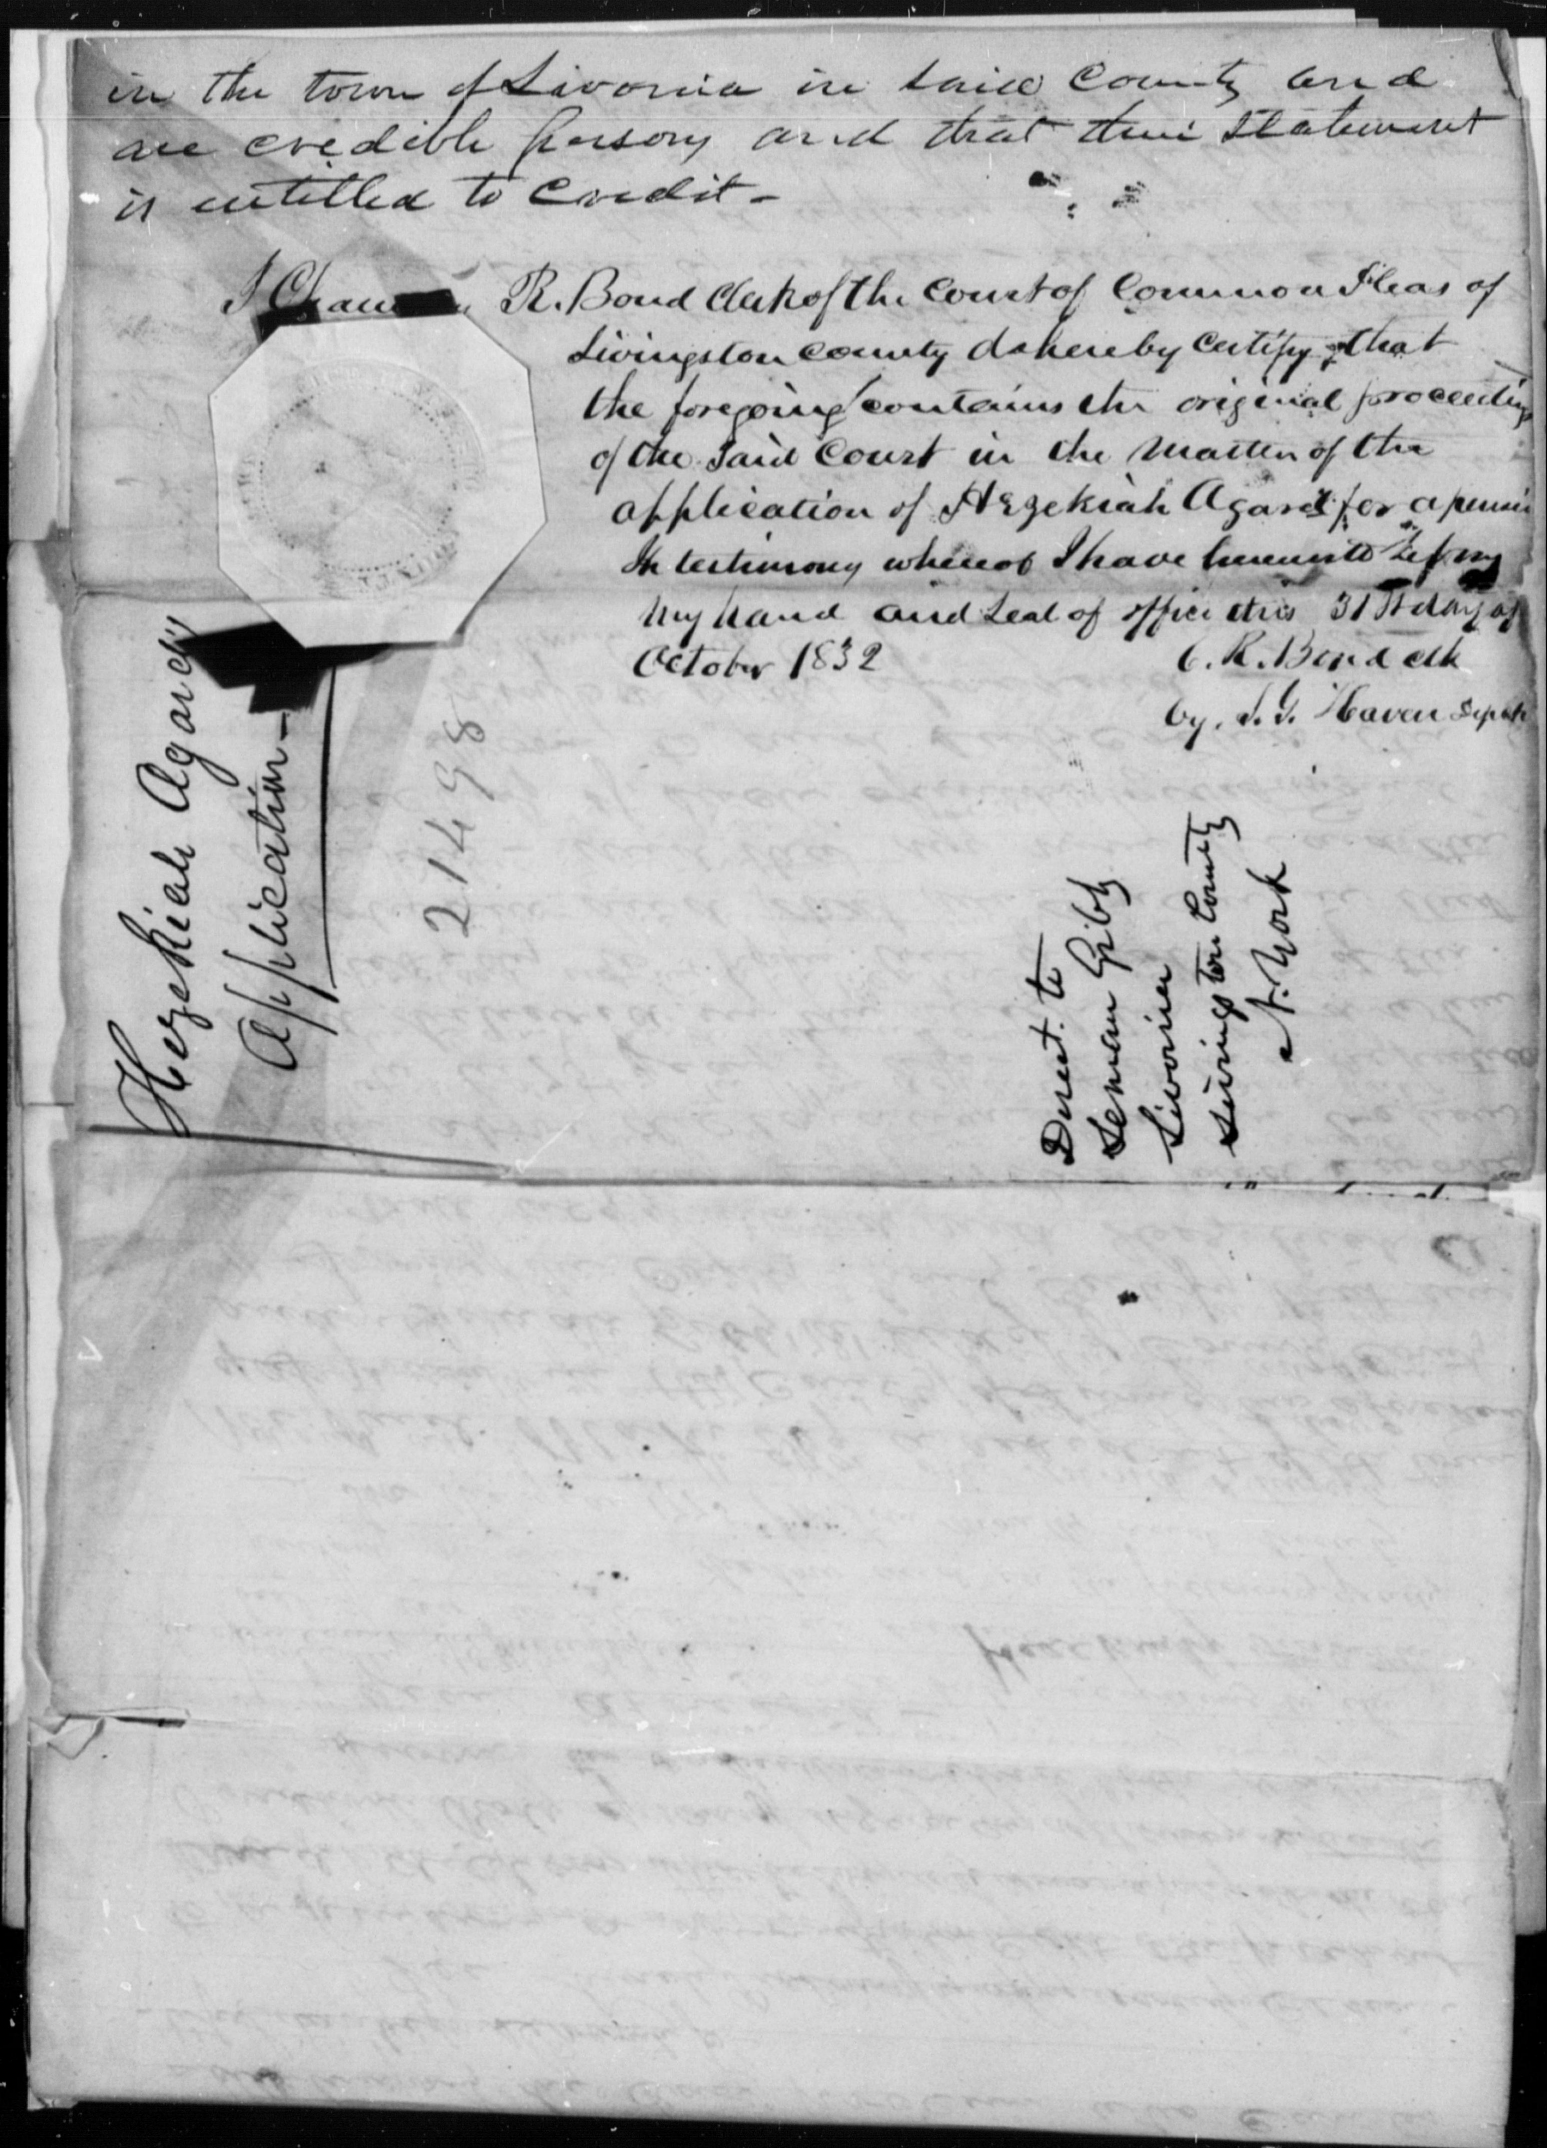Hezekiah Agard
Application
21498
in the town of Livonia in said County and
are credible persons and that the statement
is entitled to credit-
I Chau R. Bond Clerk of the Court of Common Pleas of
Livingston County do hereby certify that the
foregoing contains the original proceedings
of the said Court in the matter of the
application of Hezekiah Agard for a pension
In testimony whereof I have hereunto be my
my hand and seal of office this 31st day of
October 1832
C. R. Bond Clk
by. S.G. Haven Dep clk
=
N. York
Livingston County
Livonia
Leman Gibbs
Direct to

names: S G Haven, Hezekiah Agard, Leman Gibbs, Hezekiah Agard, Chauncey R Bond, C R Bond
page: 7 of 19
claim: survivor's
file: S. 23,092, Hezekiah Agard, Conn.